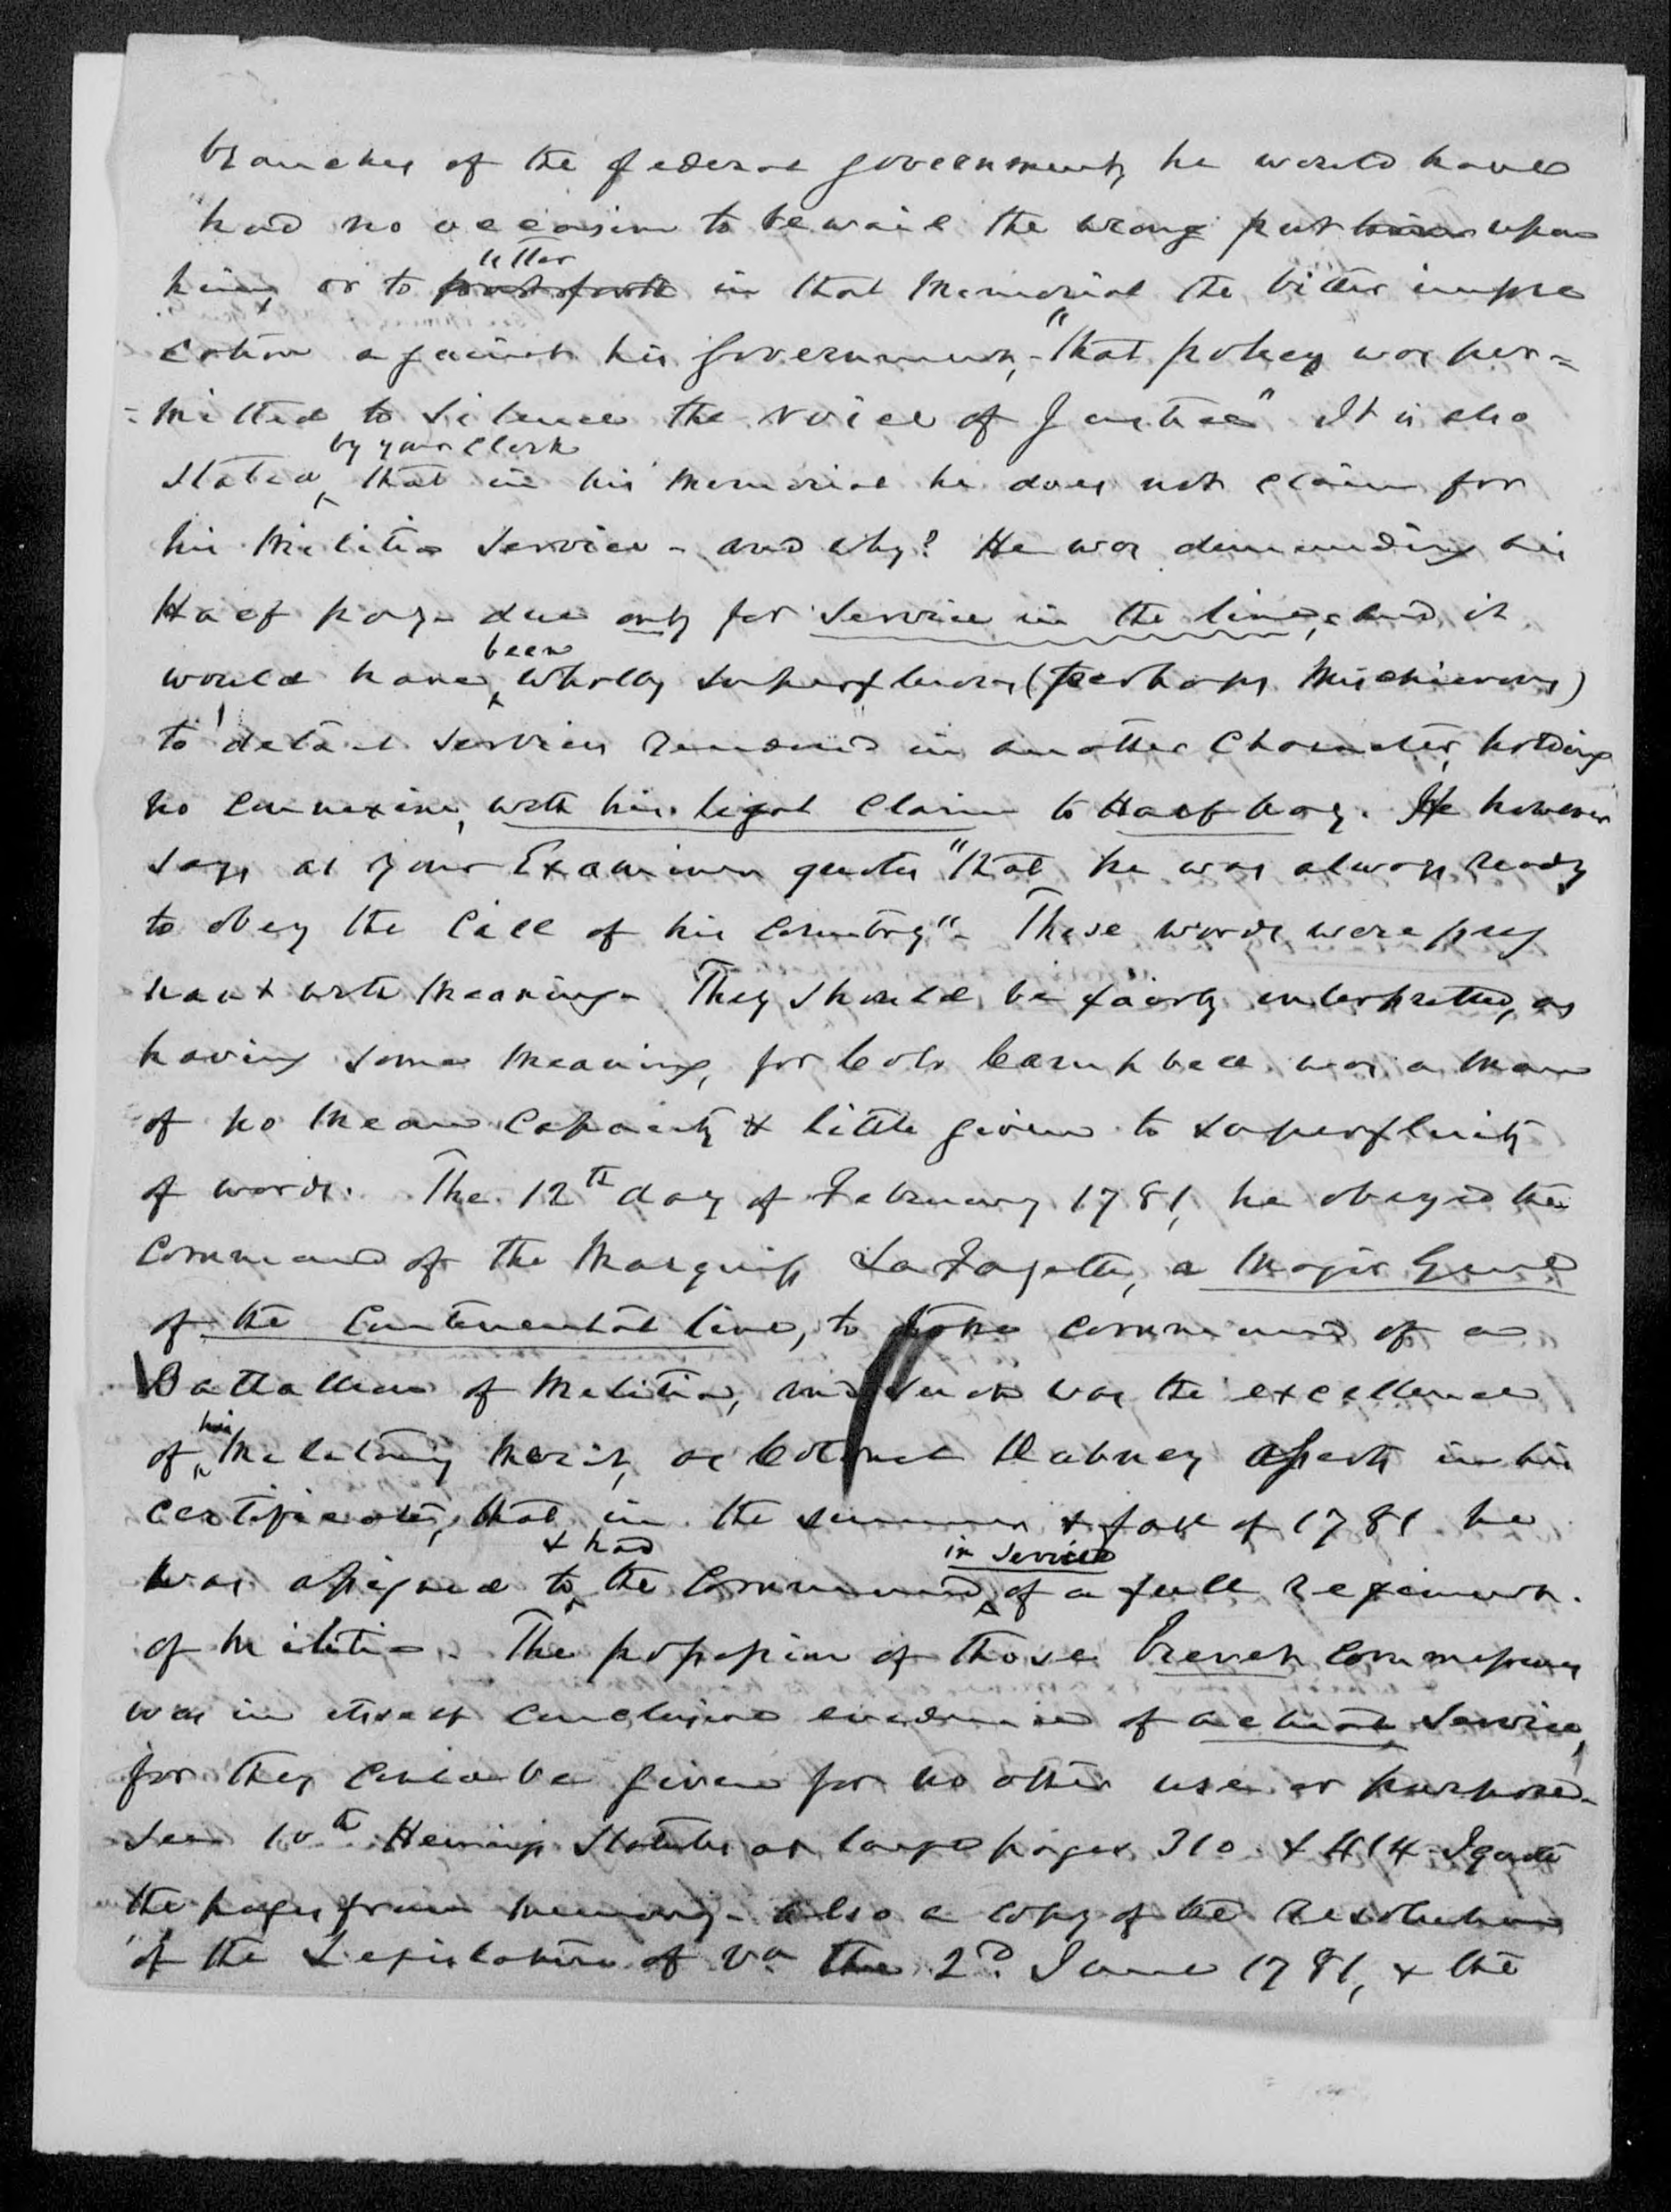branches of the federal government, he would have had no occasion to bewail the wrong put upon him or to utter in that Memorial the bitter imprecation against his government, "that policy was permitted to silence the voice of Justice" It is also stated by your Clerk that in his Memorial he does not claim for his Militia service - and why? He was demanding his half pay - due only for Service in the line, and it would have been wholly superfluous (perhaps mischievous) to detail services rendered in an other Character, holding no connexin, with his legal claim to half pay. He however says as your Examiner quotes "That he was always ready to obey the Call of his country"- These words were [illegible]  & with meaning - They should be fairly interpreted, as having some meaning, for Colo. Campbell was a man of no mean capacity & little given to superfluity of words. The 12th day of February 1781, he obeyed the Command of the Marquis LaFayette, a Major Genl of the Continental line, to the command of a Battalion of Militia, and such was the excellence of his Military service, or Colonel Dabney asserts in his certificates, that in the summer & fall of 1781 he was assigned to & had the Command in service of a full regiment. of Militia. The possession of Those brevet Commissions was in itself conclusive evidence of actual service, for they could be given for no other use or purpose - See 10C Henings Statutes or large pager, 310 & 414 I quote the paper from pensions - Also a copy of the Resolution of the Legislature of Va the 2d June 1781, & the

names: Campbell, Dabney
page: 228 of 267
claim: widow's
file: W. 4,149, William Campbell, Va.